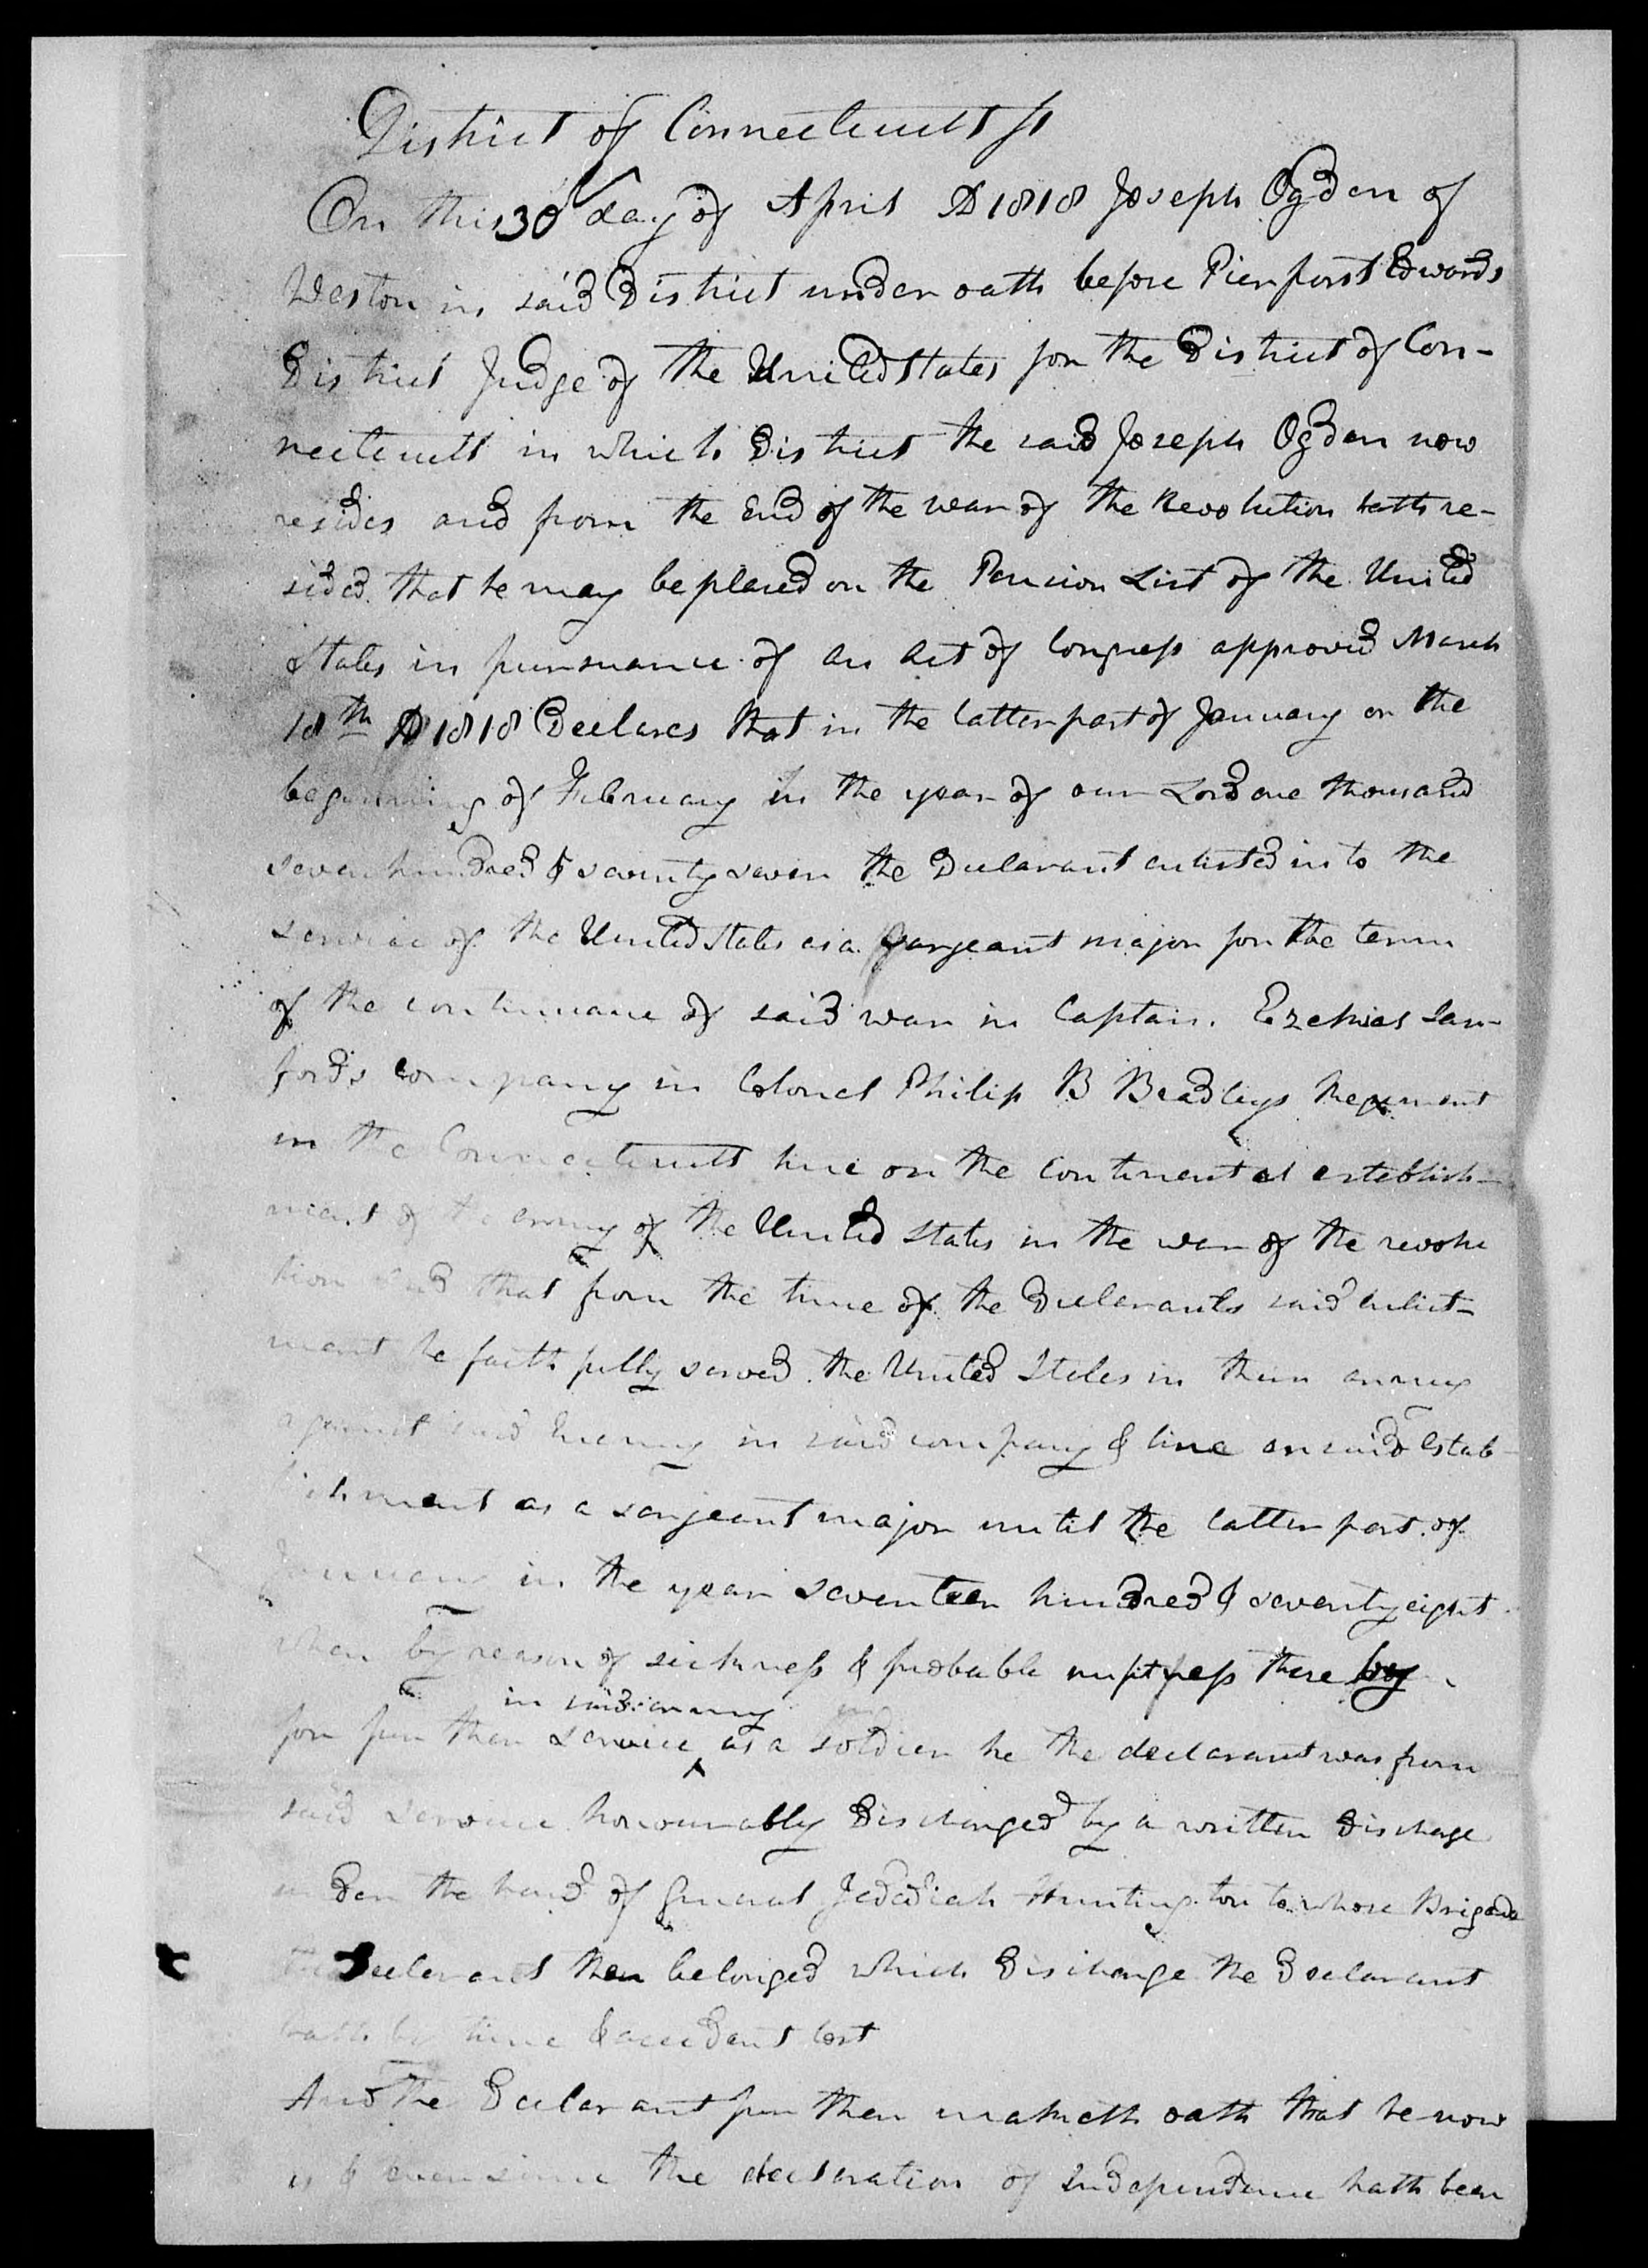District of Connecticut
On this 30 day of April AD 1818 Joseph Ogden of
Weston in said District under oath before Pierpont Edwards 
District Judge of the United States for the district of Connecticut
in which district the said Joseph Ogden now
resides and from the end of the war of the Revolution the both reside 
that he may be placed on the Pension List of the United 
States in pursuance of an act of Congress approved March
12th AD 1818 declares that in the latter part of January or the
beginning of February in the year of our Lord one thousand
seven hundred & seventy seven the Declarant enlisted in to the
service of the United States as a Sargeant major for the term
of the continuance of said war in Captain Ezekias Sanford's
company in Colonel Philip B Bradleys Regiment
in the Connecticut here on the continental establishment 
of the army of the United States in the war of the revolution 
and that from the time of the declarants said enlistment
he faithfully served the United States in their army
against said hereby in said company & line on said establishment
as a sarjeant major until the latter part of
in the year seventeen hundred & seventy eight
then by reason of sickness & probable unfitness thereby
for per then in the army as a soldier he the declarant was from
said service honourably discharged by a written discharge
under the hand of General Jedediah Huntington to whose Brigade
the [illegible] then belonged which discharge the declarant
lost by time & accident lost
And the declarant further maketh oath that he now
is & ever since the declaration of Independence hath been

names: Pierpont Edwards; Jedediah Hunting; Joseph Ogden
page: 9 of 15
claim: survivor's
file: S. 38,277, for Joseph Ogden, Connecticut